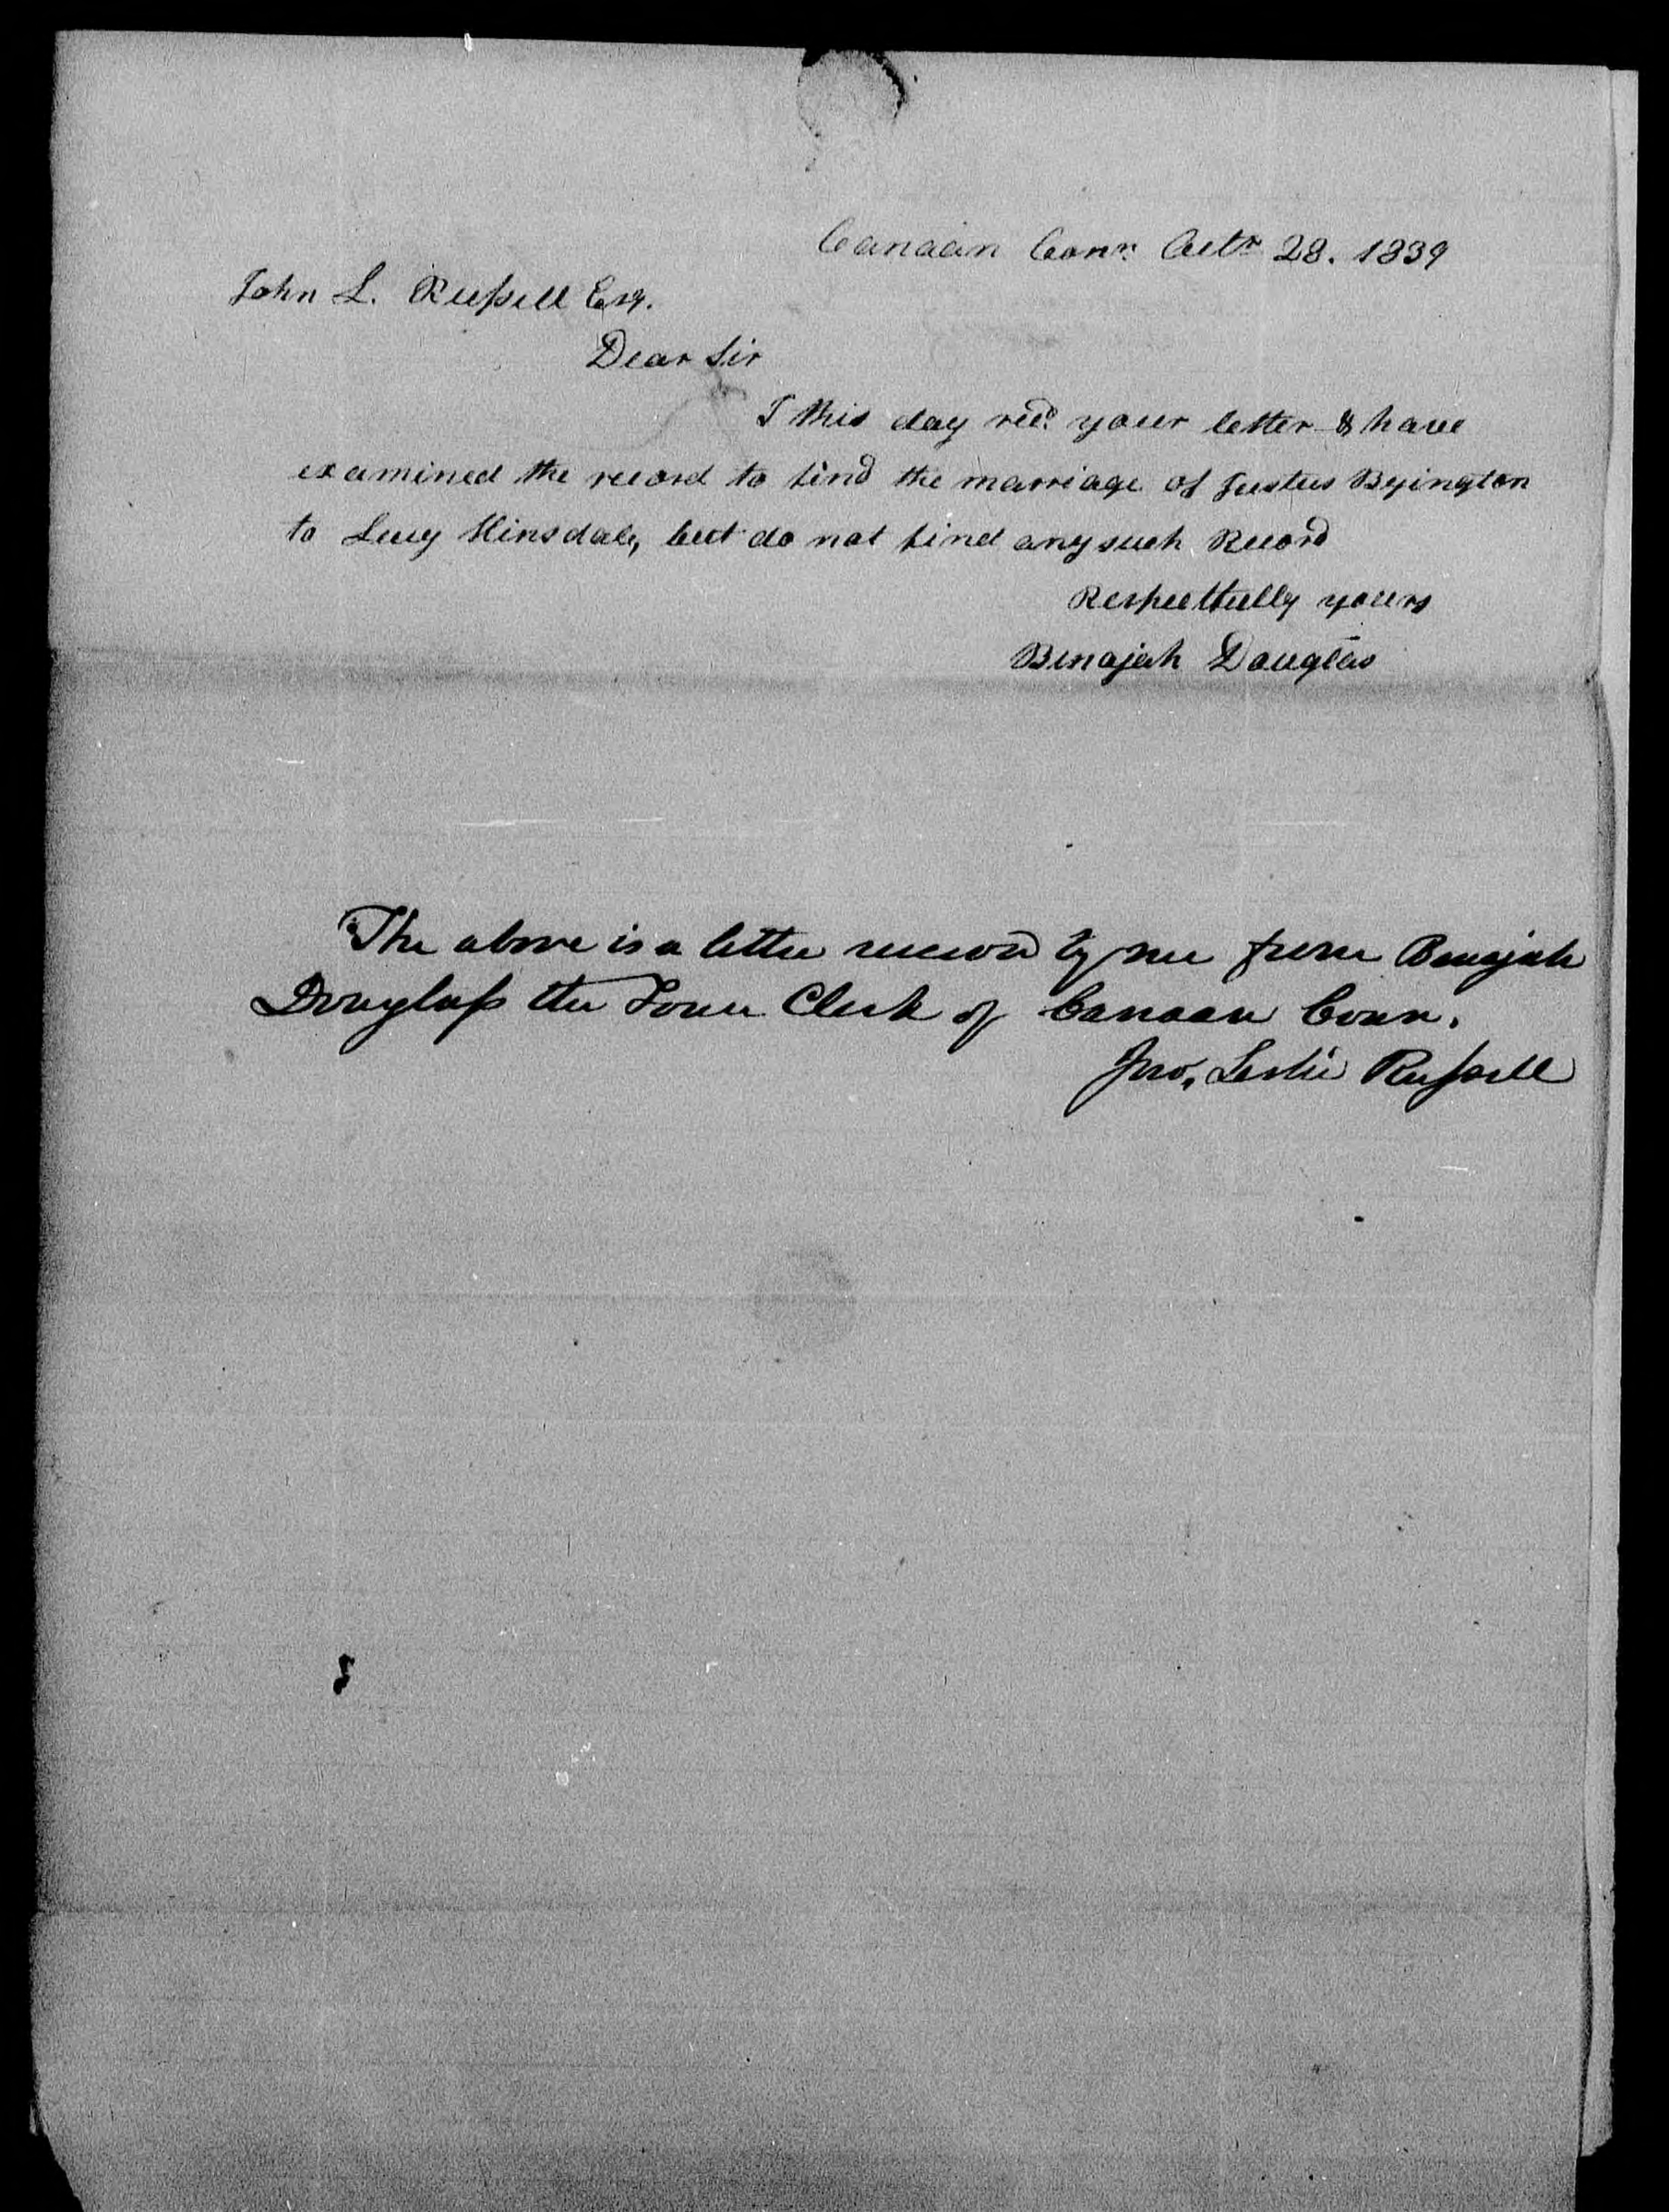Canaan Con. Oct. 28, 1839

John L. Russell Esq.

Dear Sir
I this day read your letter & have examined the record to find the marriage of Justus Byington to Lucy Hinsdale, but do not find any such record.
Respectfully yours
Benajah Dauglas

The above is a letter received to me from Benejah Douglas the Town Clerk of Canaan Conn.
Jno. Leslie Russell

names: Justus Byington, Jno Leslie Russell, John L Russell, Benajah Douglass, Benajah Douglas, Lucy Hinsdale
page: 48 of 79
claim: widow's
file: W. 23754, Justus Byington, Conn.